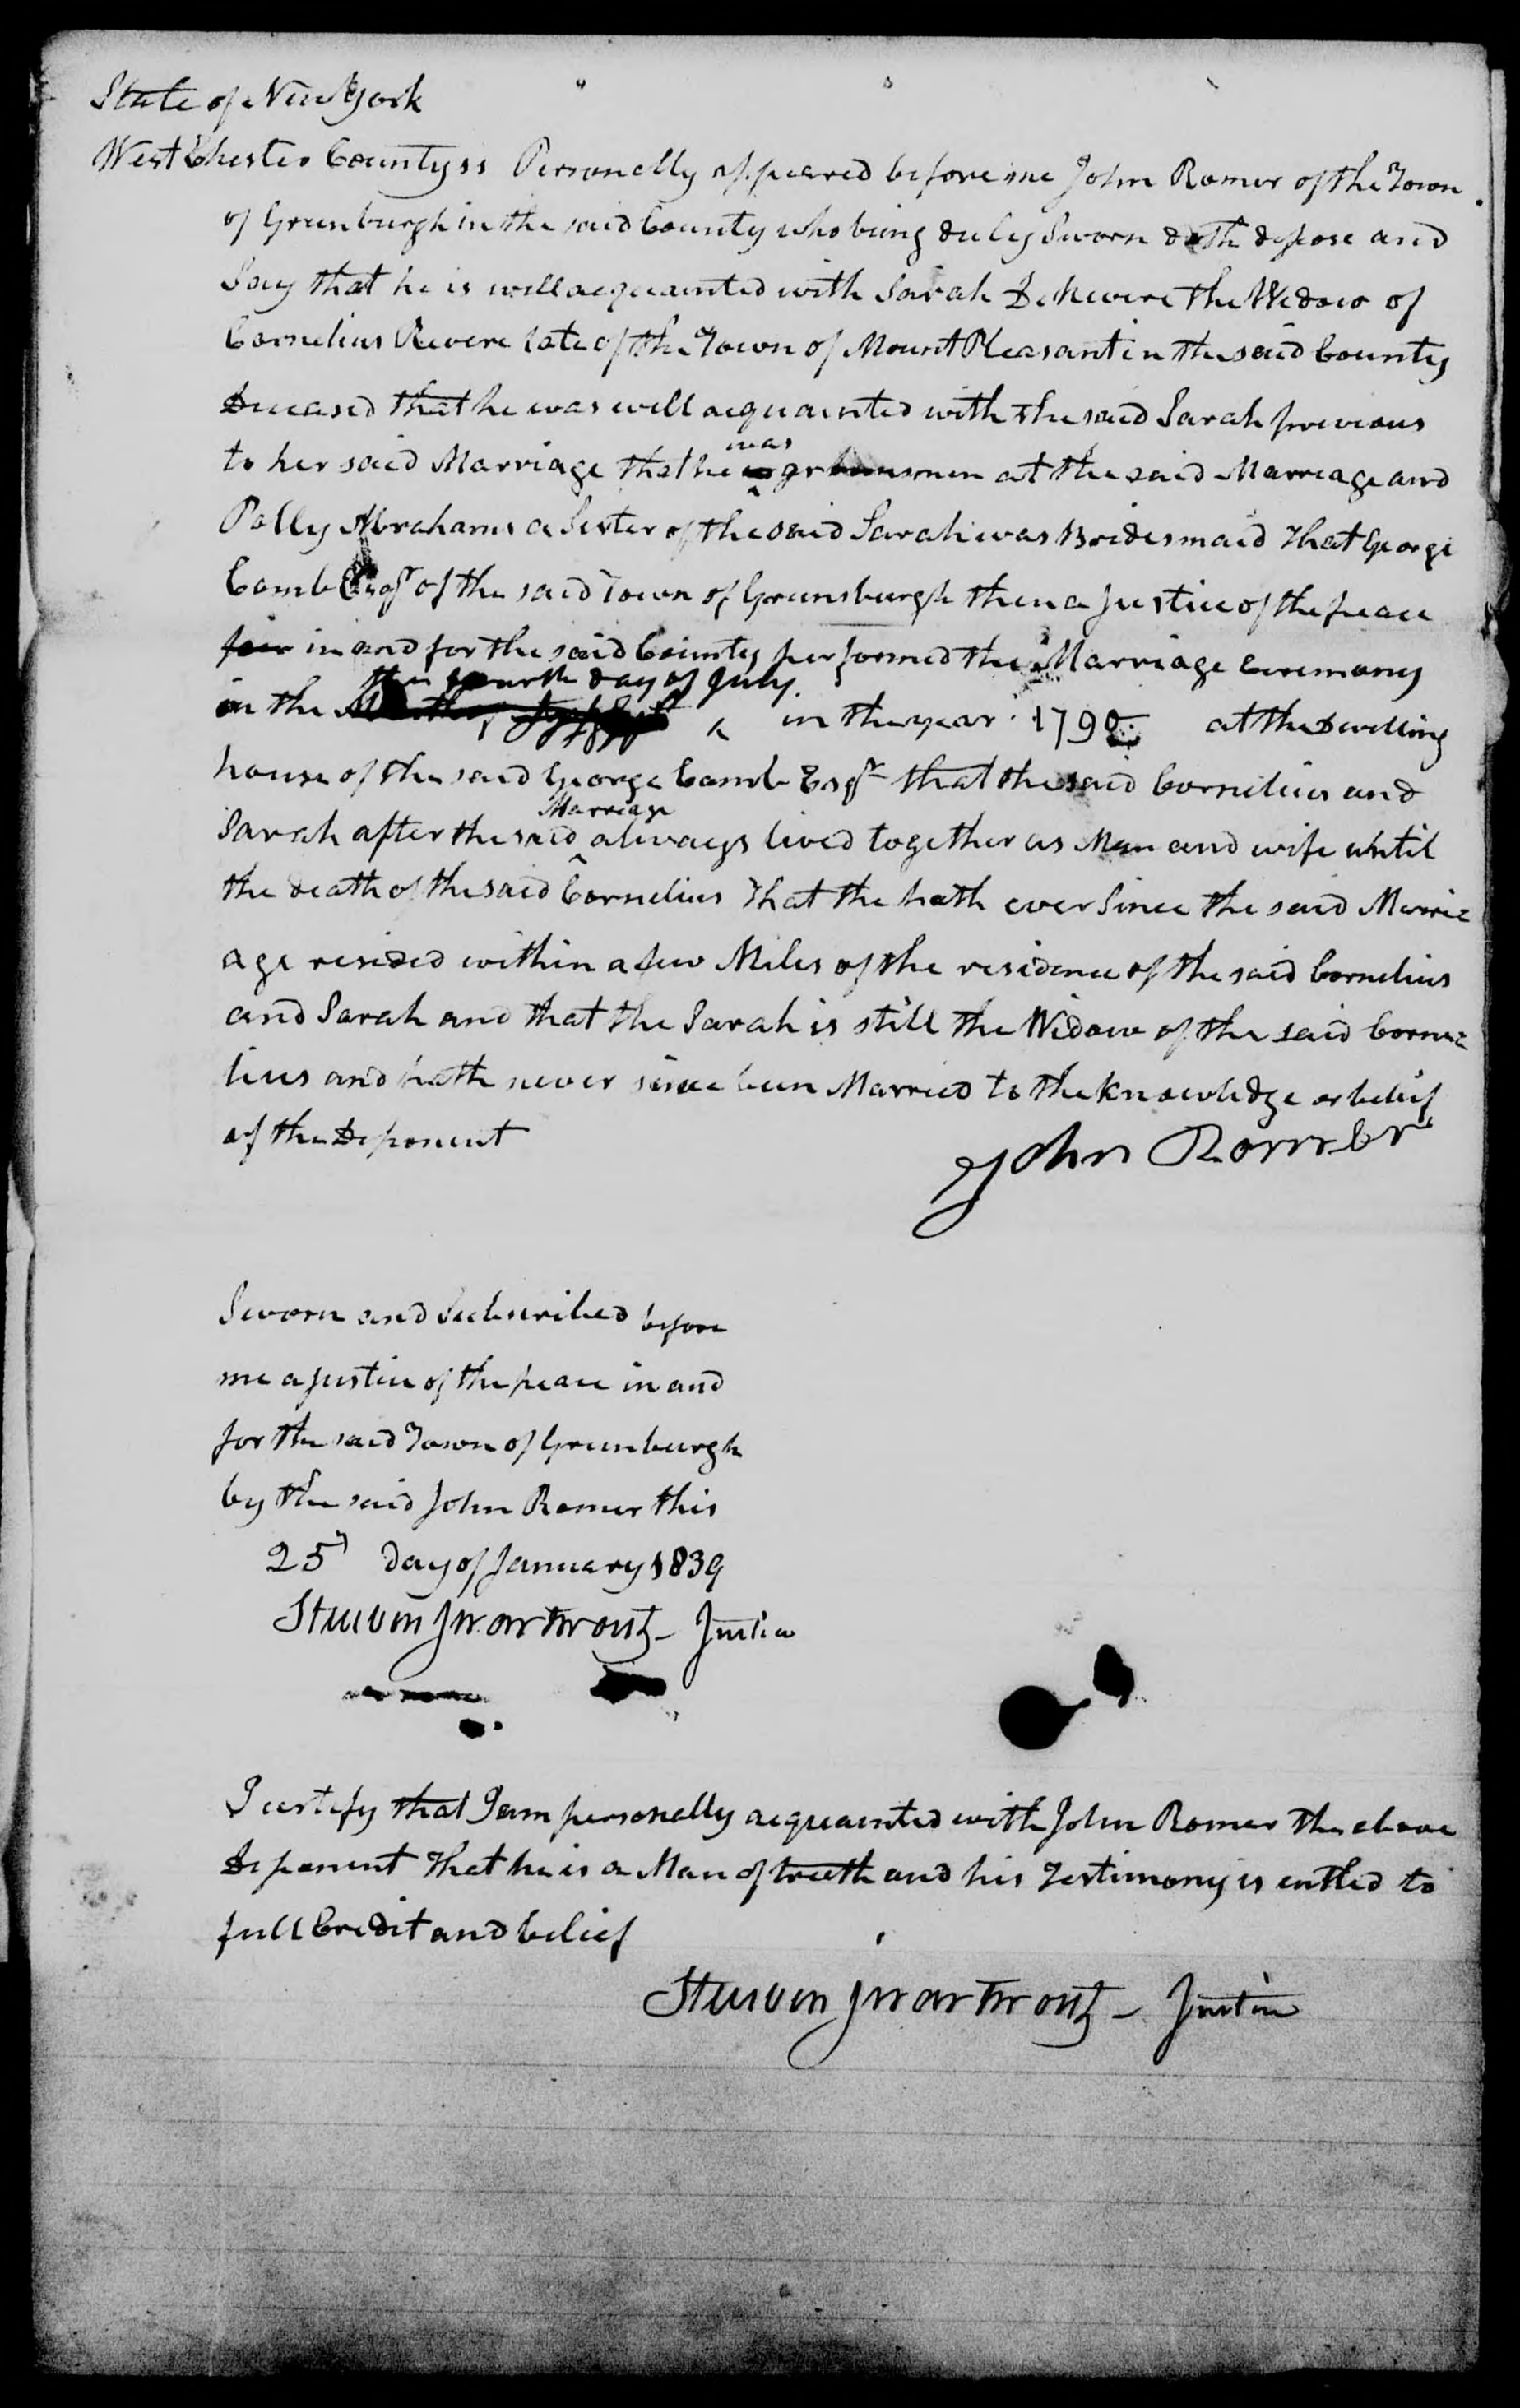State of New York
West Chester County ss  Personally appeared before me John Romer of the Town of Greenburgh in the said County who being duly Sworn doth depose and Say that he is well acquainted with Sarah DeRevere the Widow of Cornelius Revere late of the Town of Mount Pleasant in the said County deceased that he was well acquainted with the said Sarah previous to her said Marriage that he [illegible crossed out] ^ was groomsman at the said Marriage and Polly Abrahams a Sister of the said Sarah was Bridesmaid that George Comb Esq of the said Town of Greensburgh then a Justice of the Peace [illegible crossed out] in and for the said County performed the Marriage  ceremony on the [illegible crossed out] ^ the fourth day of July in the year 1790.  at that wedding house of the said George Comb Esq that the said Cornelius and Sarah after the said ^ Marriage always lived together as Man and wife until the death of the said Cornelius that he hath ever since the said Marriage resided within a few Miles of the residence of the said Cornelius and Sarah and that the Sarah is still the Widow of the said Cornelius and hath never since been Married to the knowledge or belief of the Deponent
[signed] John Romer
Sworn and Subscribed before me a Justice of the peace in and for the said Town of Greenburgh by the said John Romer this 25th day of January 1839
[signed] Steuben Swartwout - Justice 

I certify that I am personally acquainted with John Romer the above Deponent that he is a Man of truth and his testimony is entitled to full benefit and belief
[signed] Steuben Swartwout - Justice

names: Cornelius, Steuben Swartwout, Cornelius Derevere, John Romer, Sarah, Steuben Swartwout, Cornelius, George Comb, George Comb, Sarah De Revere, Sarah, John Romer, Sarah, Cornelius, John Romer, John Romer, Sarah, Sarah Derevere, Cornelius, Polly Abrahams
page: 17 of 40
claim: widow's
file: W. 24057, Cornelius De Revere, New York